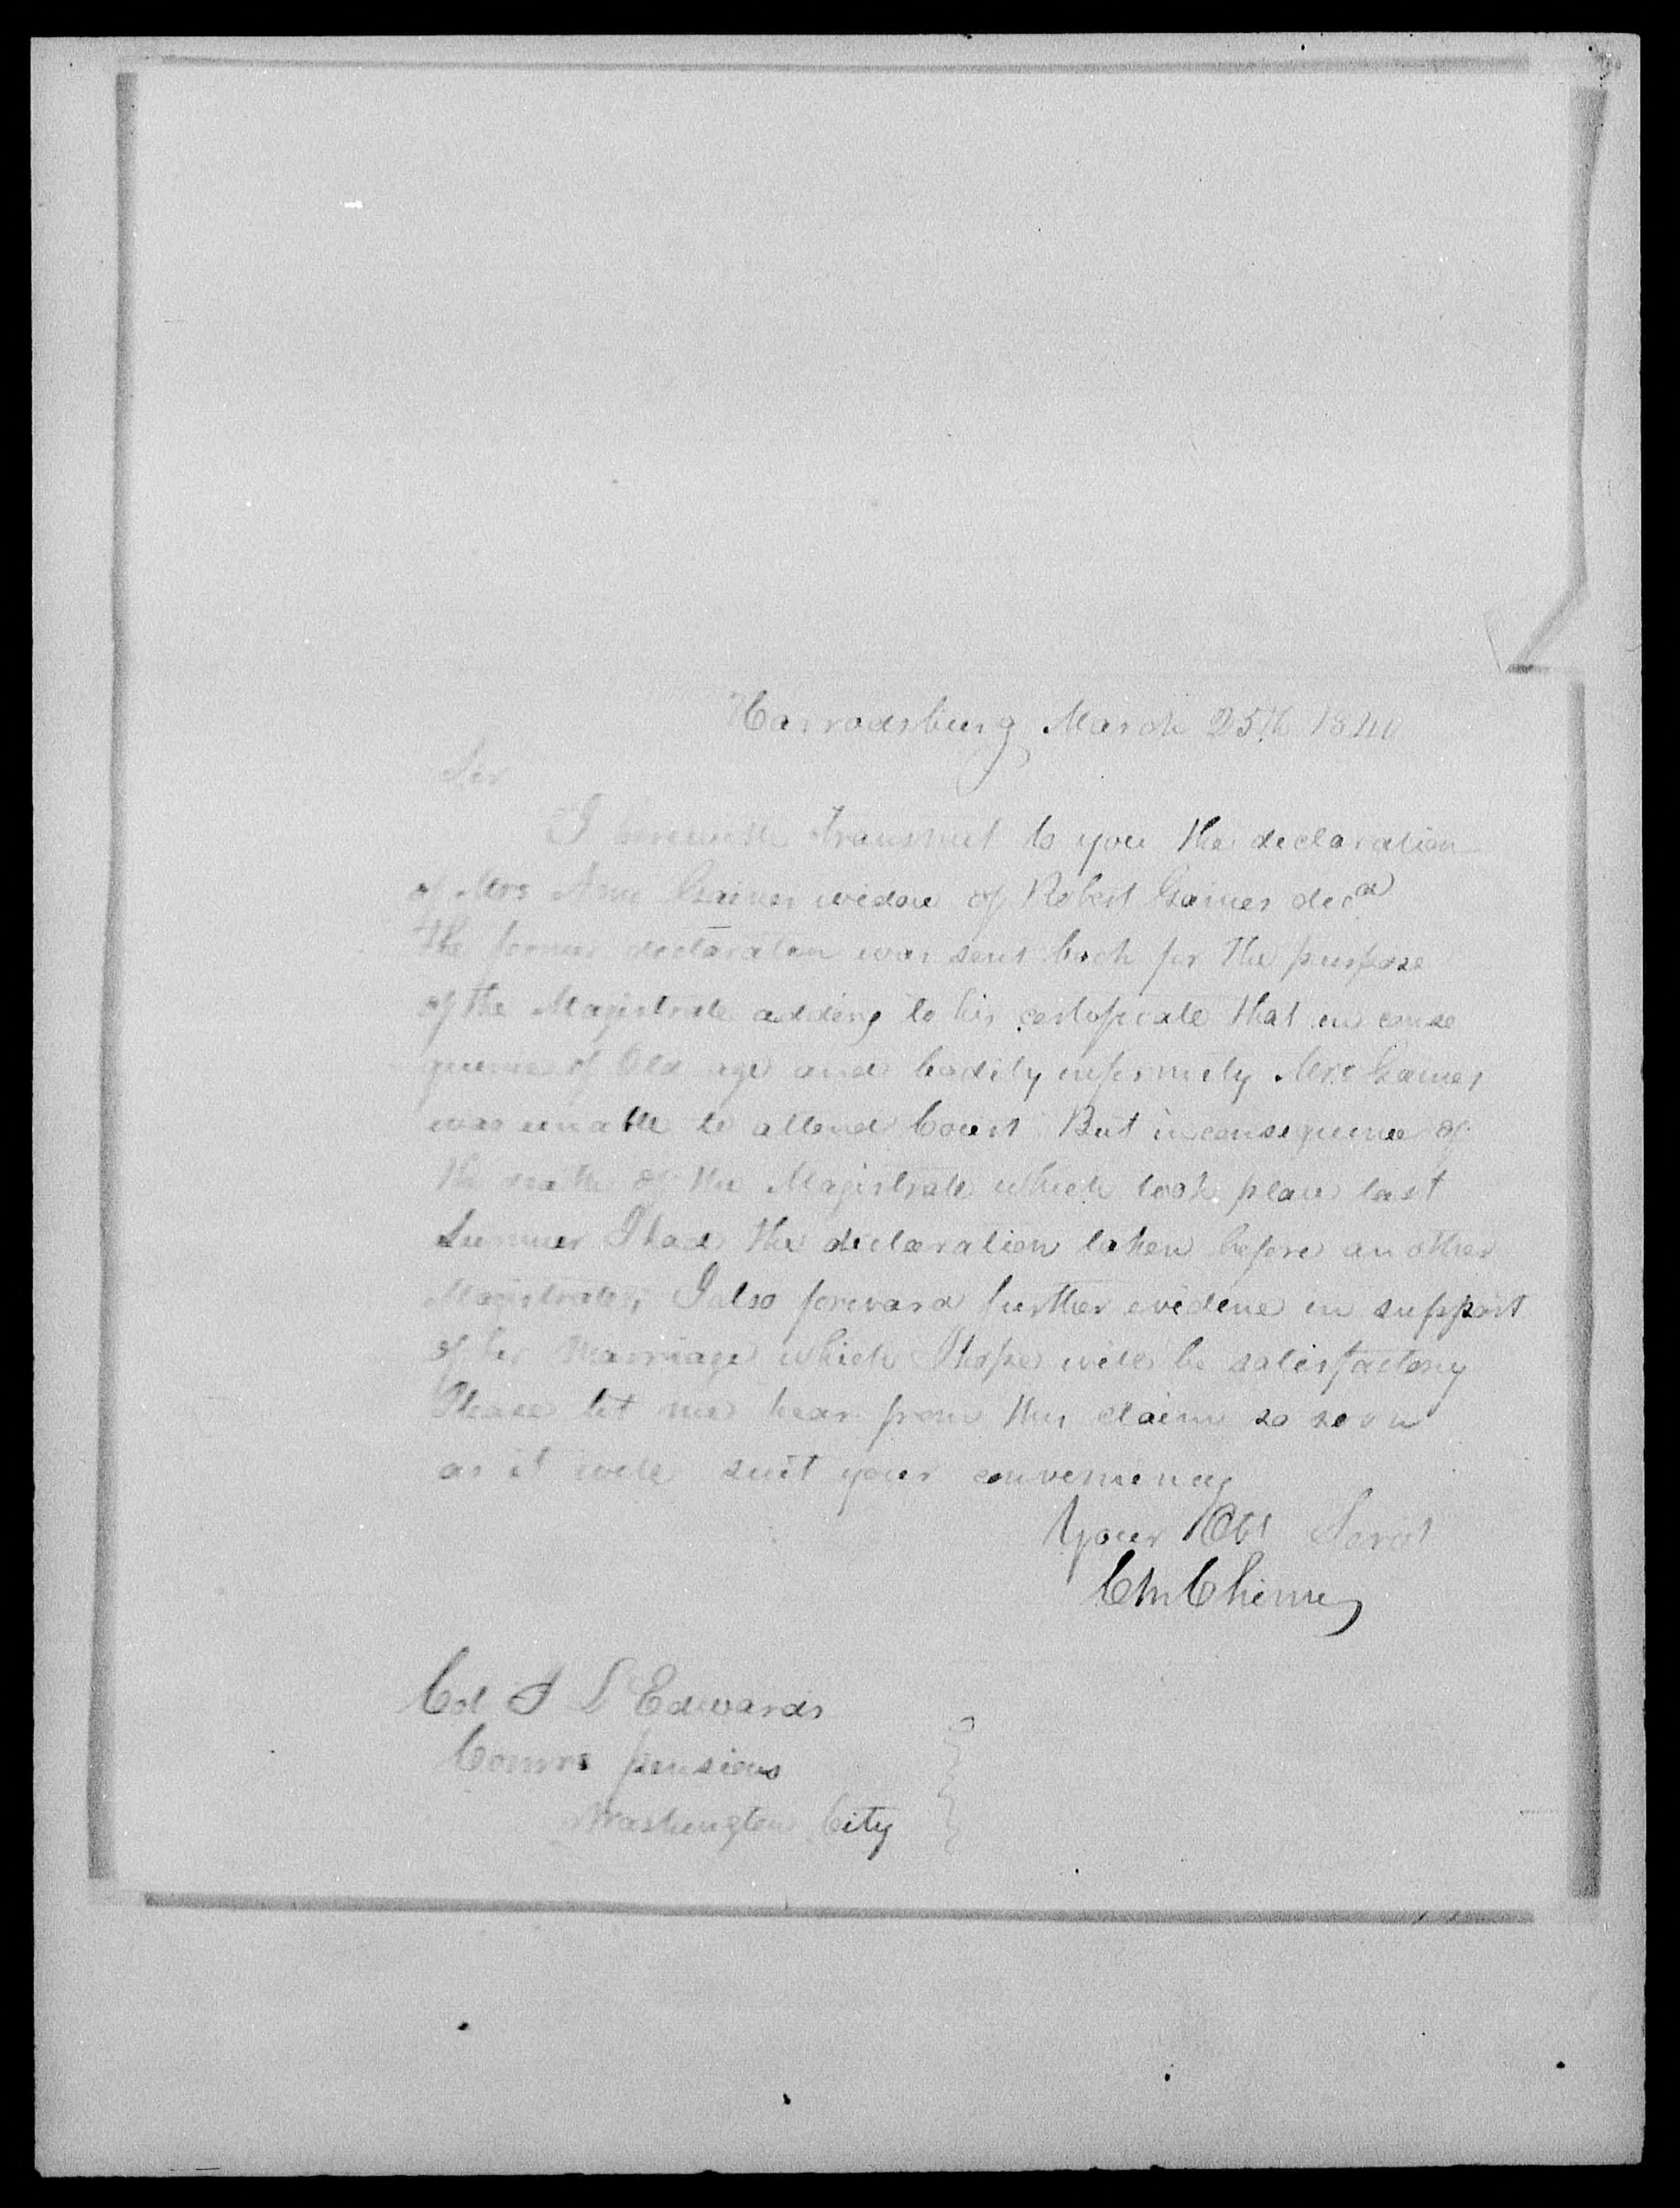Harrodsburg, March 25th 1840
Sir
I herewith transmit to you the declaration
of Mrs Ann Gaines widow of Robert Gaines dec'd
the former declaration was sent book for the purpose
of the Magistrate adding to his certificate that in cause
of old age and bodily infirmity Ann Gaines
was unable to attend Court But in consequence of
the death of the Magistrate which took place last
Summer I had the declaration taken before another
Magistrate. I also forward further evidence in support
of her marriage which I hope will be satisfactory
Please let me hear from this claim so soon
as it will suit your conveniency
Your Obt Servt
Chr Chinn

Col J L Edwards
Comr pensions
Washington City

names: Robert Gaines, Gaines, J L Edwards, Ann Gaines, Chr Chinn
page: 65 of 79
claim: rejected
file: R. 3863, Robert Gaines, Va.